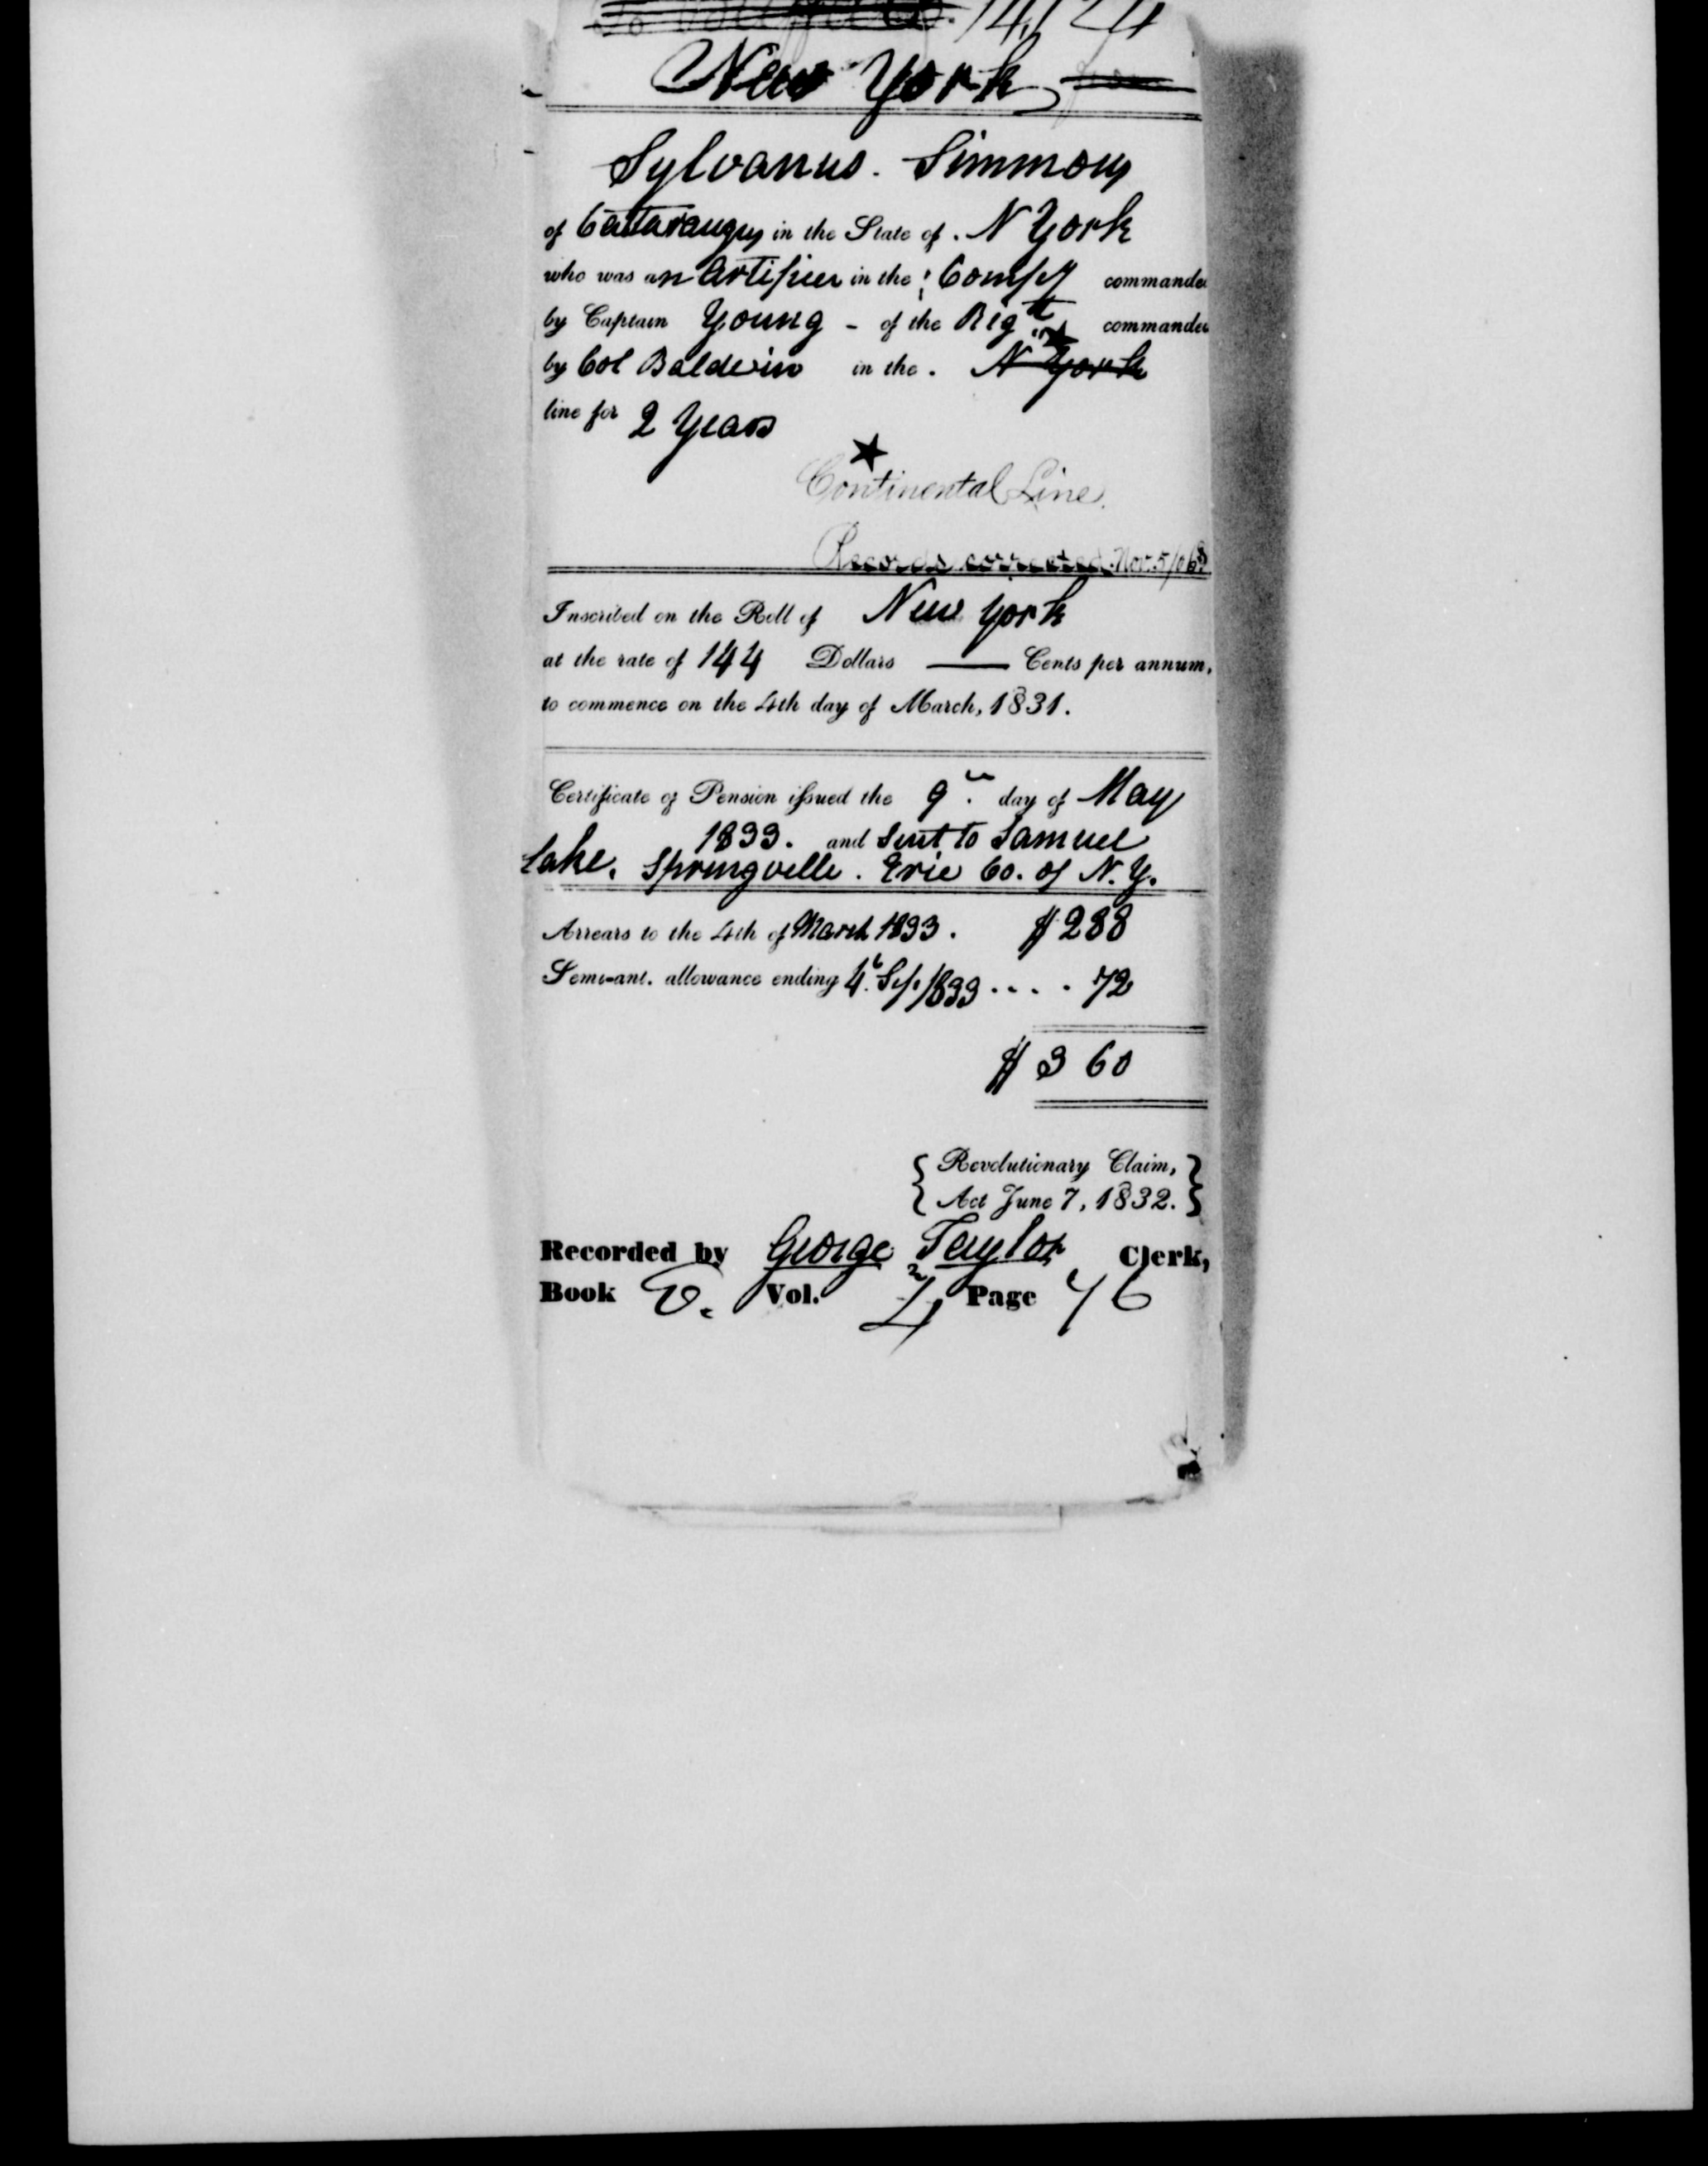14,124
New York
Sylvanus Simmons
of Cattaraugus in the State of N York
who was an Artificer in the Compy commanded
by Captain Young of the Regt commanded
by Col Baldwin in the N York [crossed out and starred]
line for 2 years
[starred] Continental Line
Records corrected Nov. 5/06[illegible]
-----
Inscribed on the Roll of New York
at the rate of 144 Dollars - Cents per annum,
to commence on the 4th day of March, 1831.
-----
Certificate of Pension issued the 9th day of May
1833 and sent to Samuel
Lake, Springville, Erie Co. of N.Y.
-----
Arrears to the 4th of March 1893        $288
Semi-anl. allowance ending 4 Sep 1833. 72
-----
$360
-----
{Revolutionary Claim,
Act June 7, 1832.}
Recorded by George Taylor Clerk,
Book E  Vol. 4  Page 76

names: [BLANK] Young; [BLANK] Baldwin; Samuel Lake; George Taylor; Sylvanus Simmons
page: 19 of 31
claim: survivor's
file: S. 14484, for Sylvanus Simmons, New York